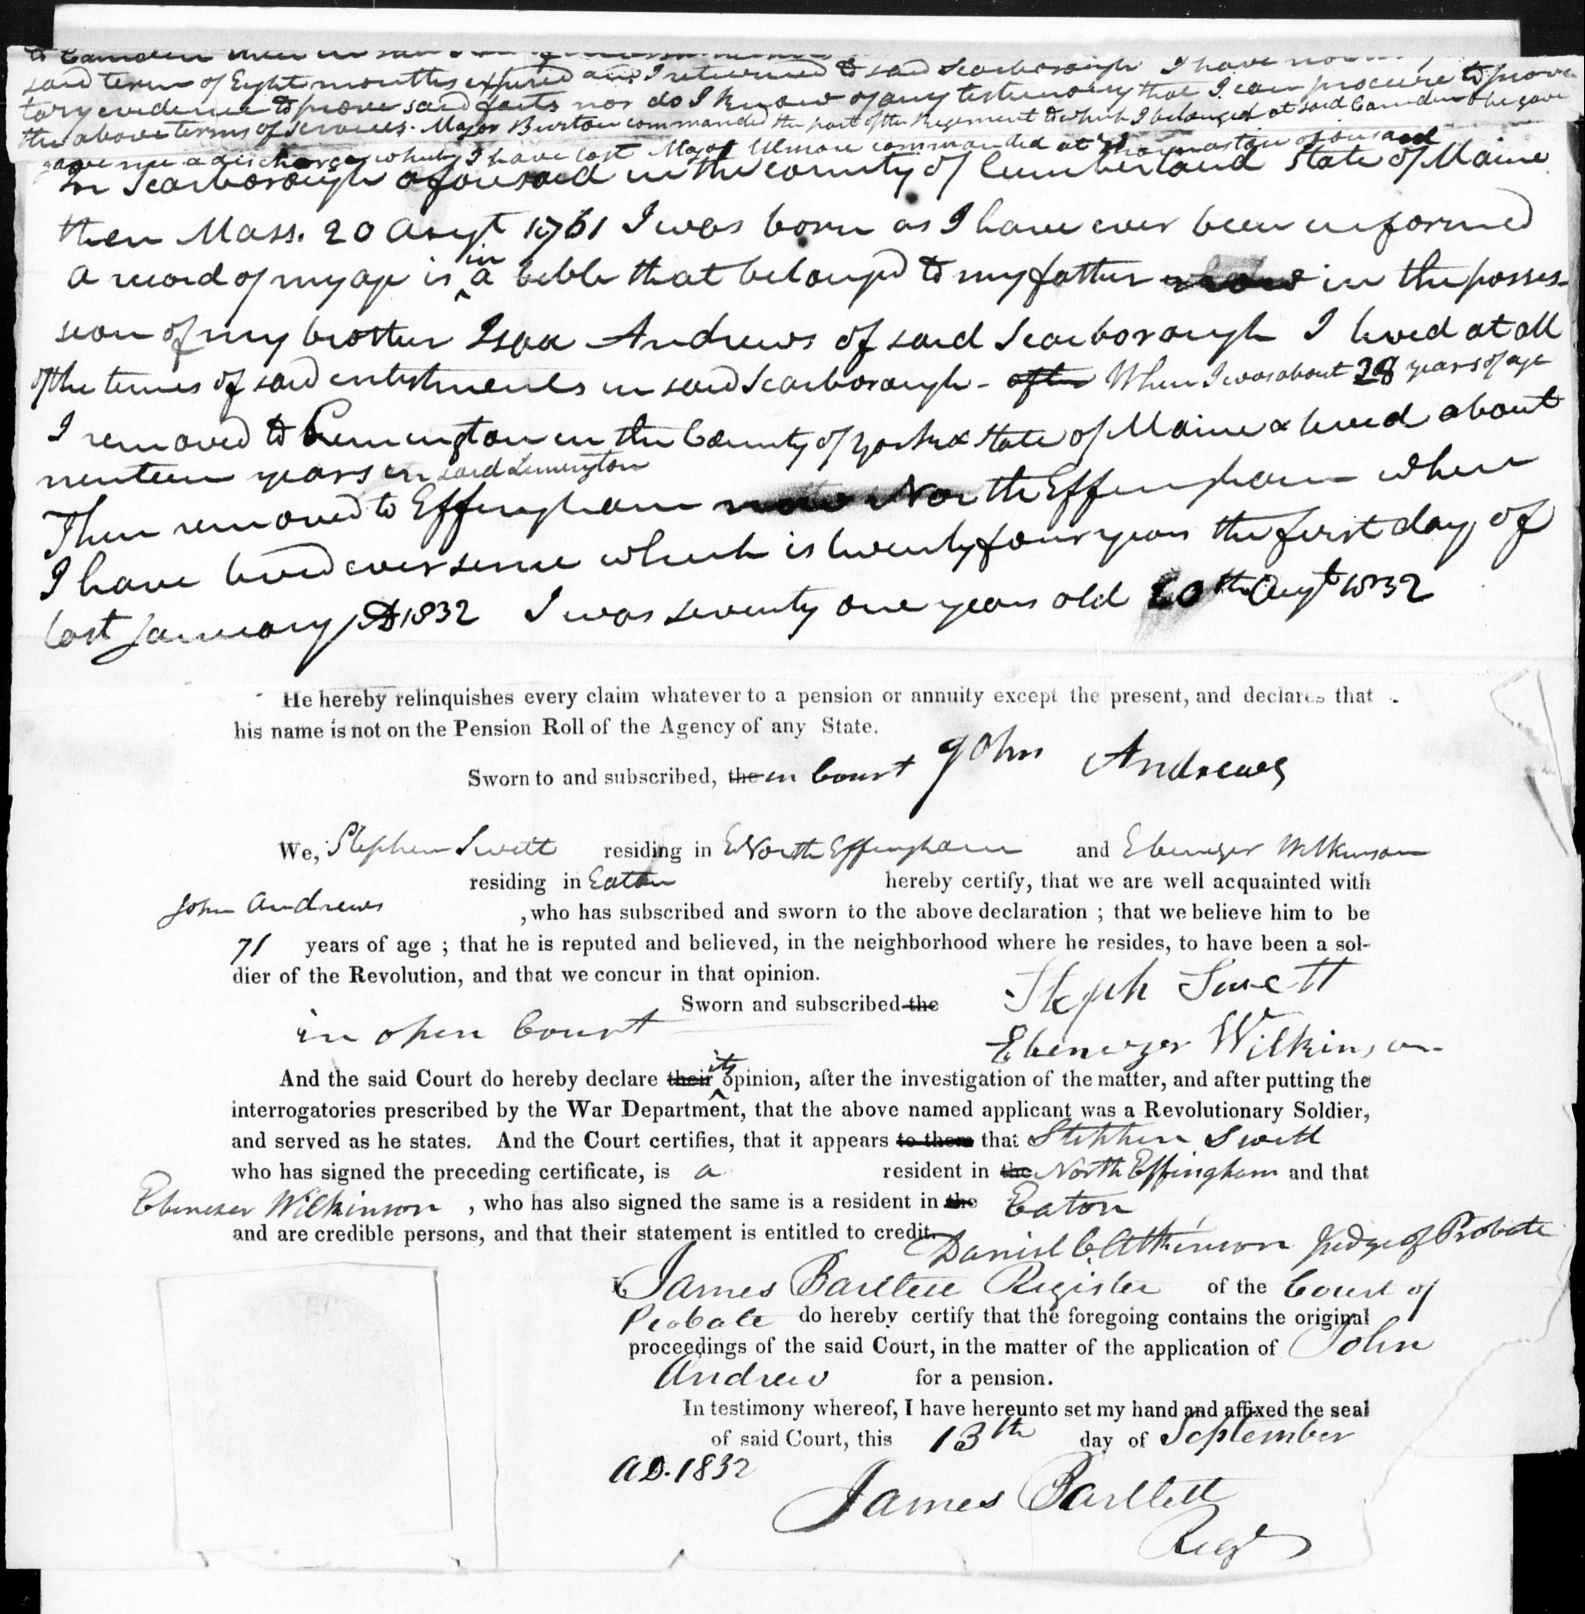to Camden this said term of Eight months expired and I returned to said Scarborough. I have no [unreadable]
-tary evidence to prove said facts nor do I know of any testimony that I can procure to prove the above terms of services. 

Major Burton commanded the part of the Regiment to which I belonged at said Camden & he gave the above terms of service and he gave a discharges which I have lost. Major Almore commanded at [illegible]


Then Mass. 20 Augt 1761 I was born as I have  I was born as I have ever been informed a word of my age is a bible that belonged to my father in the possesion of my brother Isaac Andrews of said Scarborough.  I lived at all of the times of said enlistments in said Scarborough of When I was about 28 years of age, I removed to Lemington in the County of York State of Maine & lived about ninteen years in said Lemington. Then removed to  North Effingham where I have been ever since which is twenty four years the first day of last January AD 1832 I was seventy one years old 6th Augt 1832.   

He hereby relinquishes every claim whatever to a pension or annuity except the present, and declares that his name is not on the Pension Roll of the Agency of any State. 

Sworn to and subscribed, in Court [signed ] John Andrews 

We, Stephen Swett residing in North Effingham and Ebenezer Wilkinson residing in Eaton, certify, that we are well acquainted with John Andrews,  who has subscribed and sworn to the above declaration; that we believe him to be 71 years of age; that he is reputed and believed, in the neighborhood where he resides, to have been a soldier of the Revolution, and that we concur in that opinion.

 in open Court Sworn and subscribed in open court  

[signed] Stephen Swett,  Ebenezer Wilkinson 

And the said Court do hereby declare the opinion, after the investigation of the matter, and after putting the interrogatories prescribed by the War Department, that the above named applicant was a Revolutionary Soldier, and served as he states. And the Court certifies, that it appears that Stephen Swett has signed the preceding certificate, is a resident in the North Effingham and that Ebenezer Wilkinson, who has also signed the same is a resident in Eaton and are credible persons, and that their statement is entitled to credit.

Daniel C. Atkinson Judge of Probate 

James Bartlell Register of the Court of Probate do hereby certify that the foregoing contains the original proceedings of the said court, in the matter of the application of  John Andrew for a pension.

 In testimony whereof, I have hereunto set my hand and affixed the seal of said Court, this 13th AD. 1832 day of September James Bartlett, Regt.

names: Ulman, James Bartlen, North Effingham, John Andrews, Stephen Swett, James Bartlett, John Andrew, Ebenezer Wilkinson, John Andrews, Ebenezer Wilkinson, Burton, Stephen Swett, Andrews, Ebenezer Wilkinson, Steph Swett, Daniel C Atkinson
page: 5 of 23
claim: widow's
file: W. 1693, John Andrews, Mass.